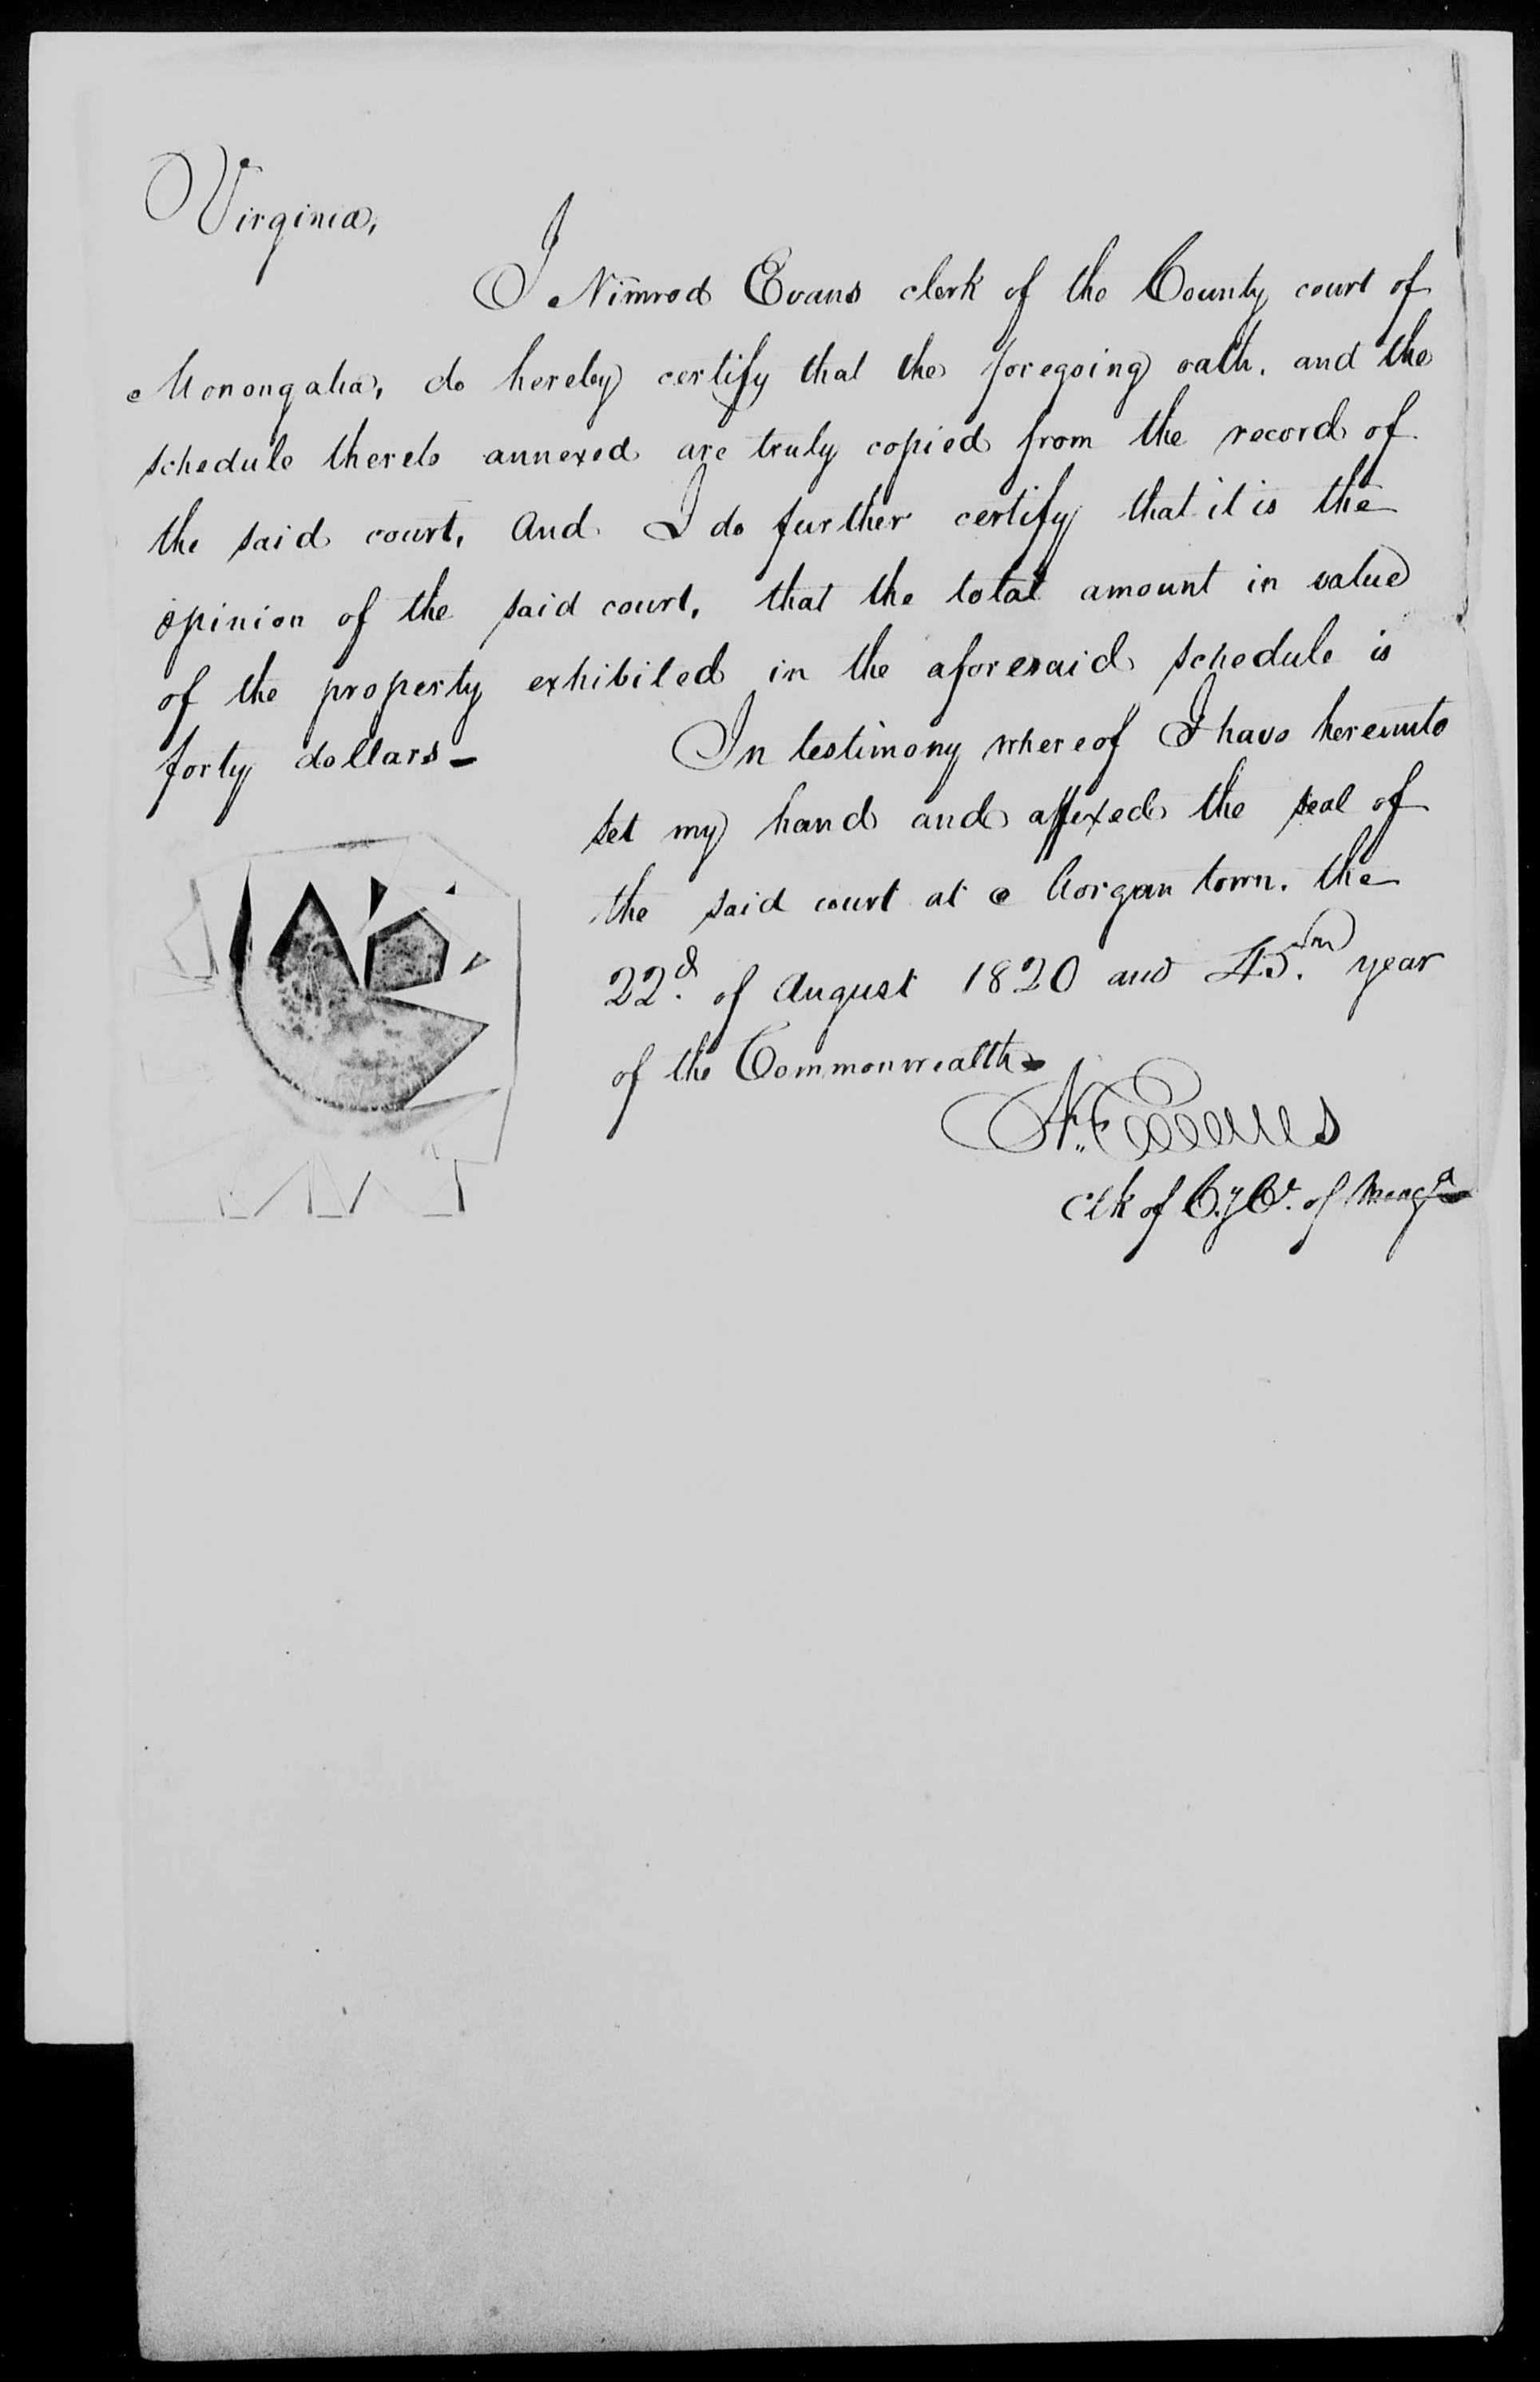Virginia

    I Nimrod Evans clerk of the County of Monongahela, do hereby certify that the foregoing oath, and the schedule thereto annexed, are truly copied from the record of the said court, And, I do further certify that it is the opinion of the court, that the total amount in value of the property exhibited in the aforesaid, schedule of forty dollars.

   In testimony whereof I have hereunto set my hand and affixed the seal of the said court at Morgantown, the 22d of August 1820 and 45th year of the Commonwealth

                              //s//
                    Nimrod Cooms
                   Clerk of Court of Manga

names: N Cooms, Nimrod Cooms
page: 6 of 20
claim: survivor's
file: S. 40,021, Joseph Bonner, Penn.